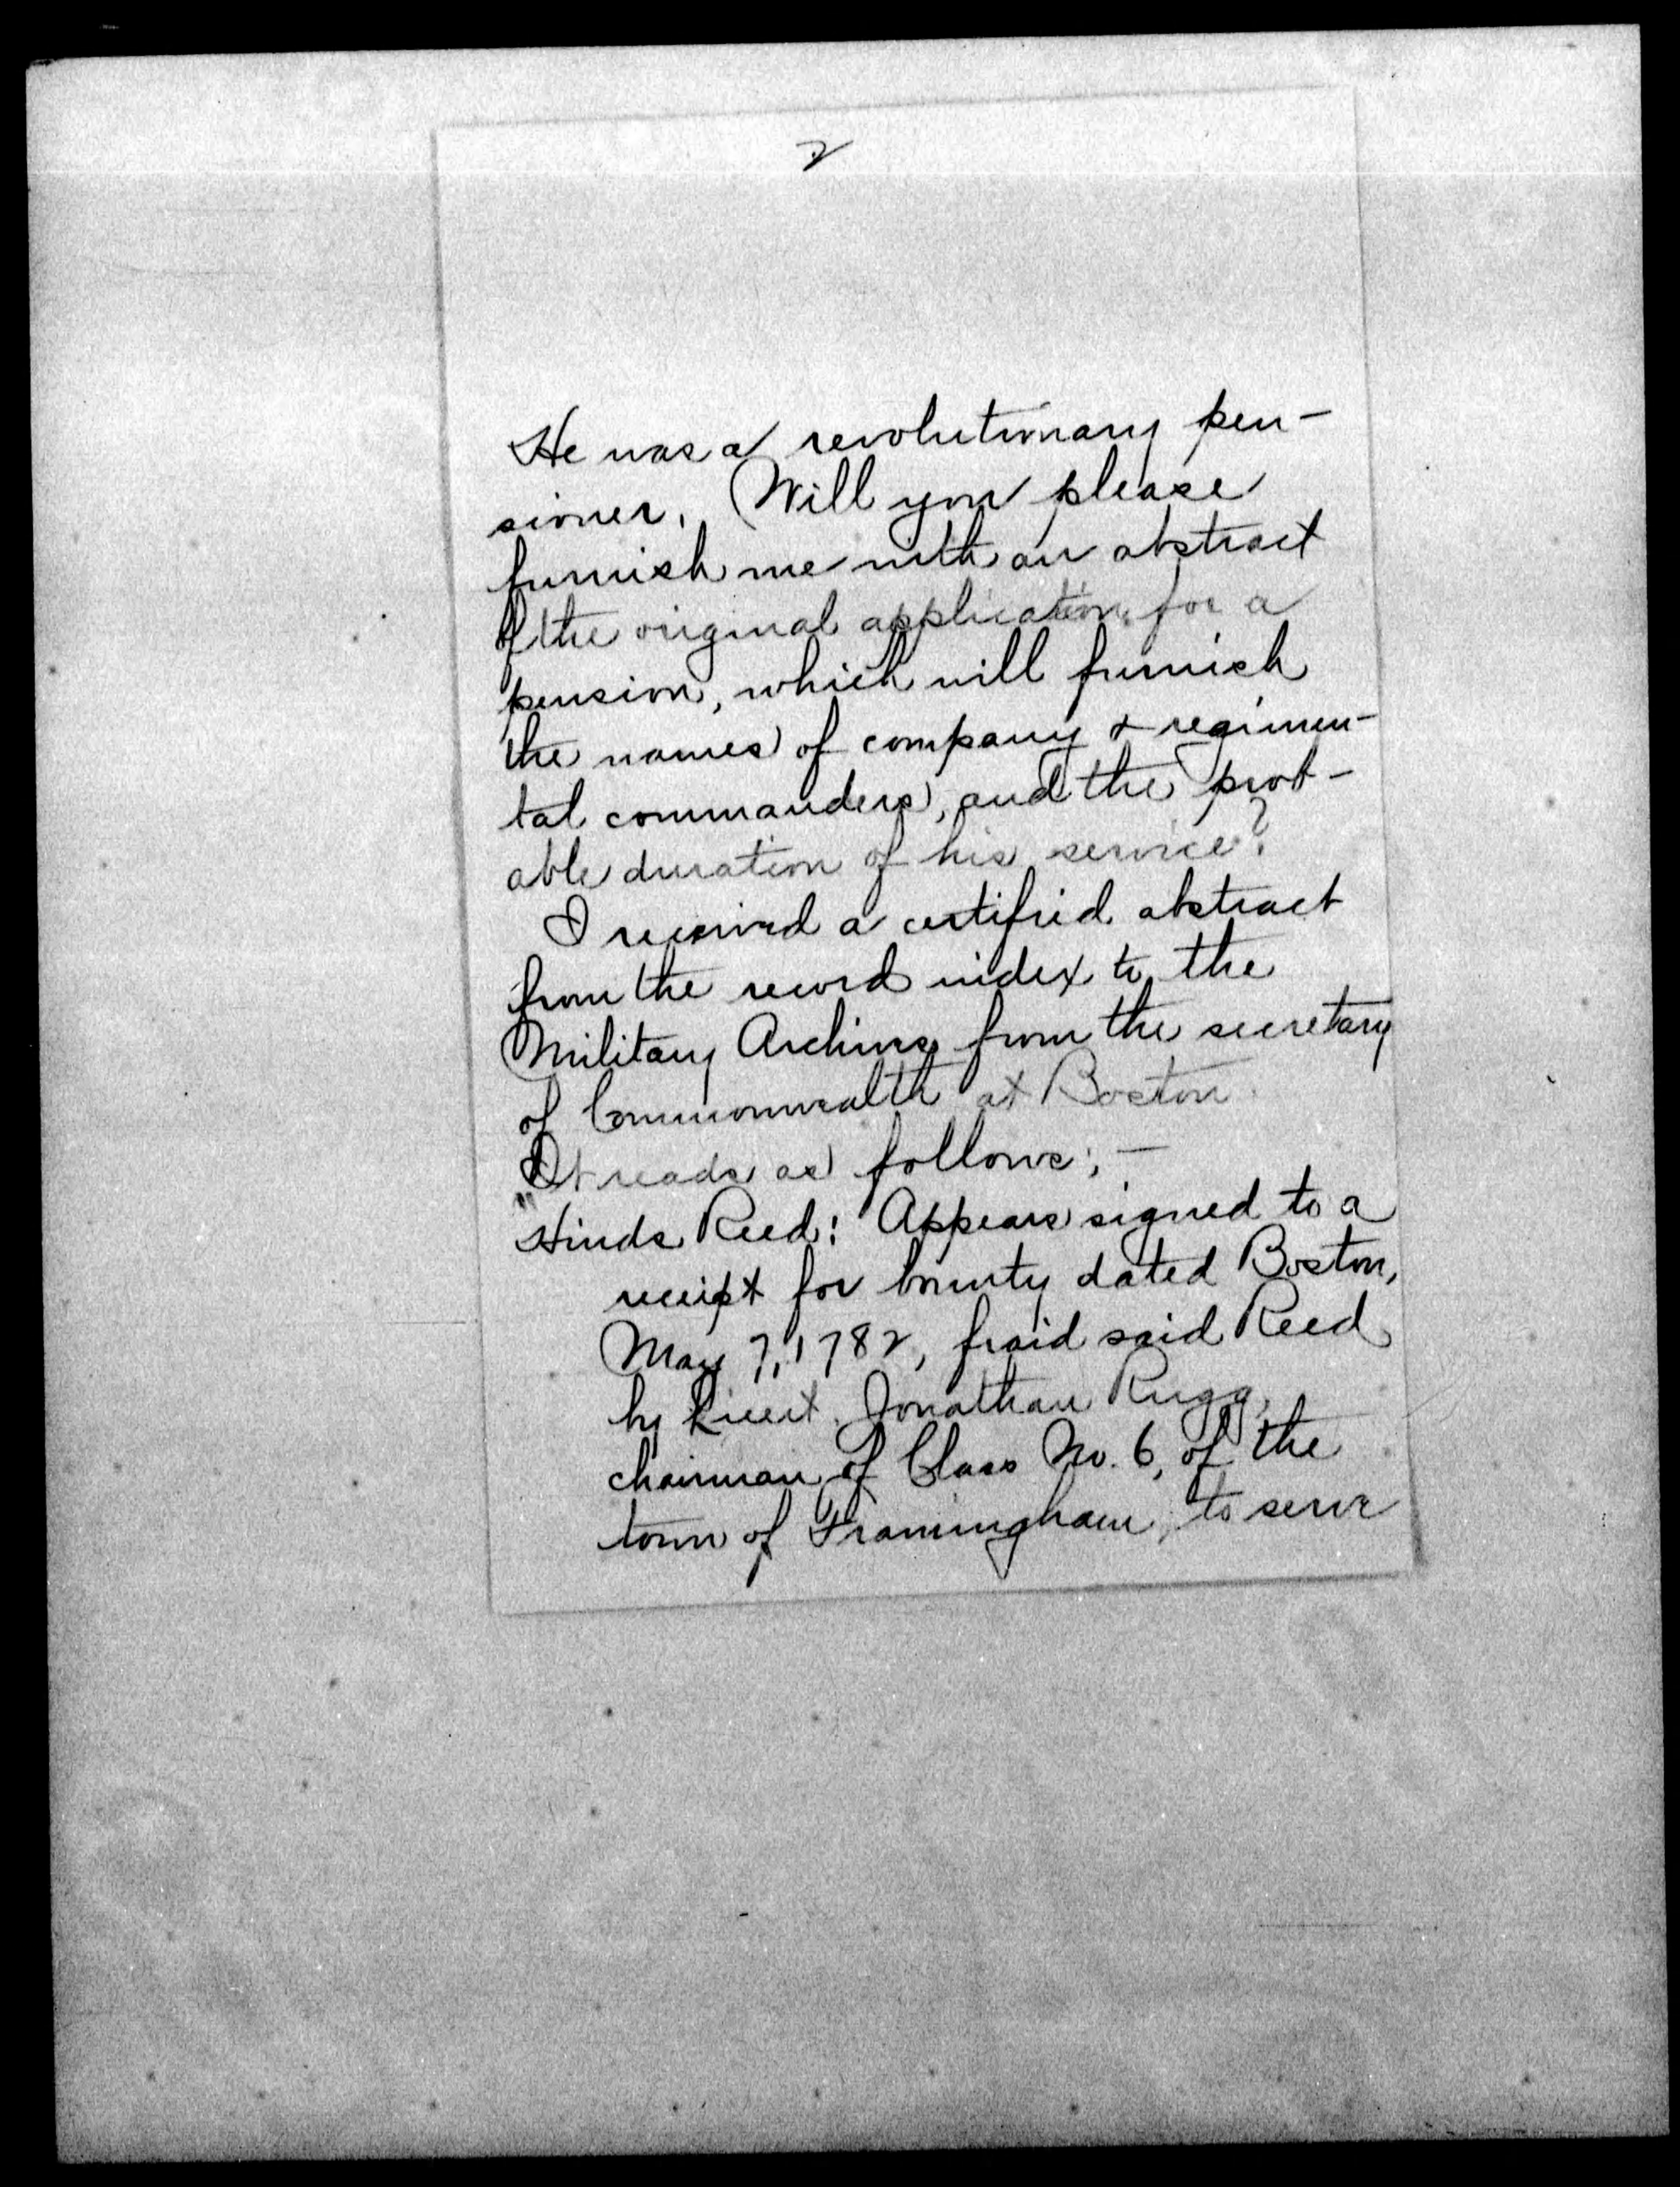He was a revolutionary pensioner, (Will you please furnish me with an abstract of the original application for a pension, which will furnish the names of company & regimental commanders, and the probable duration of his service?
I received a certified abstract from the record index to the Military Archives from the Secretary of Commonwealth at Boston
It reads as follows:
"Hinds Reed: Appears signed to a receipt for bounty dated Boston, May 7, 1782, fraid said Reed [illegible] Lieut Jonathan Rugg, chairman of Class No.6, of the town of Framingham to serve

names: Hinds Reed; [BLANK] Reed; Jonathan Rugg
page: 17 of 19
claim: survivor's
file: S 41975, for Hinds Reed, New Hampshire